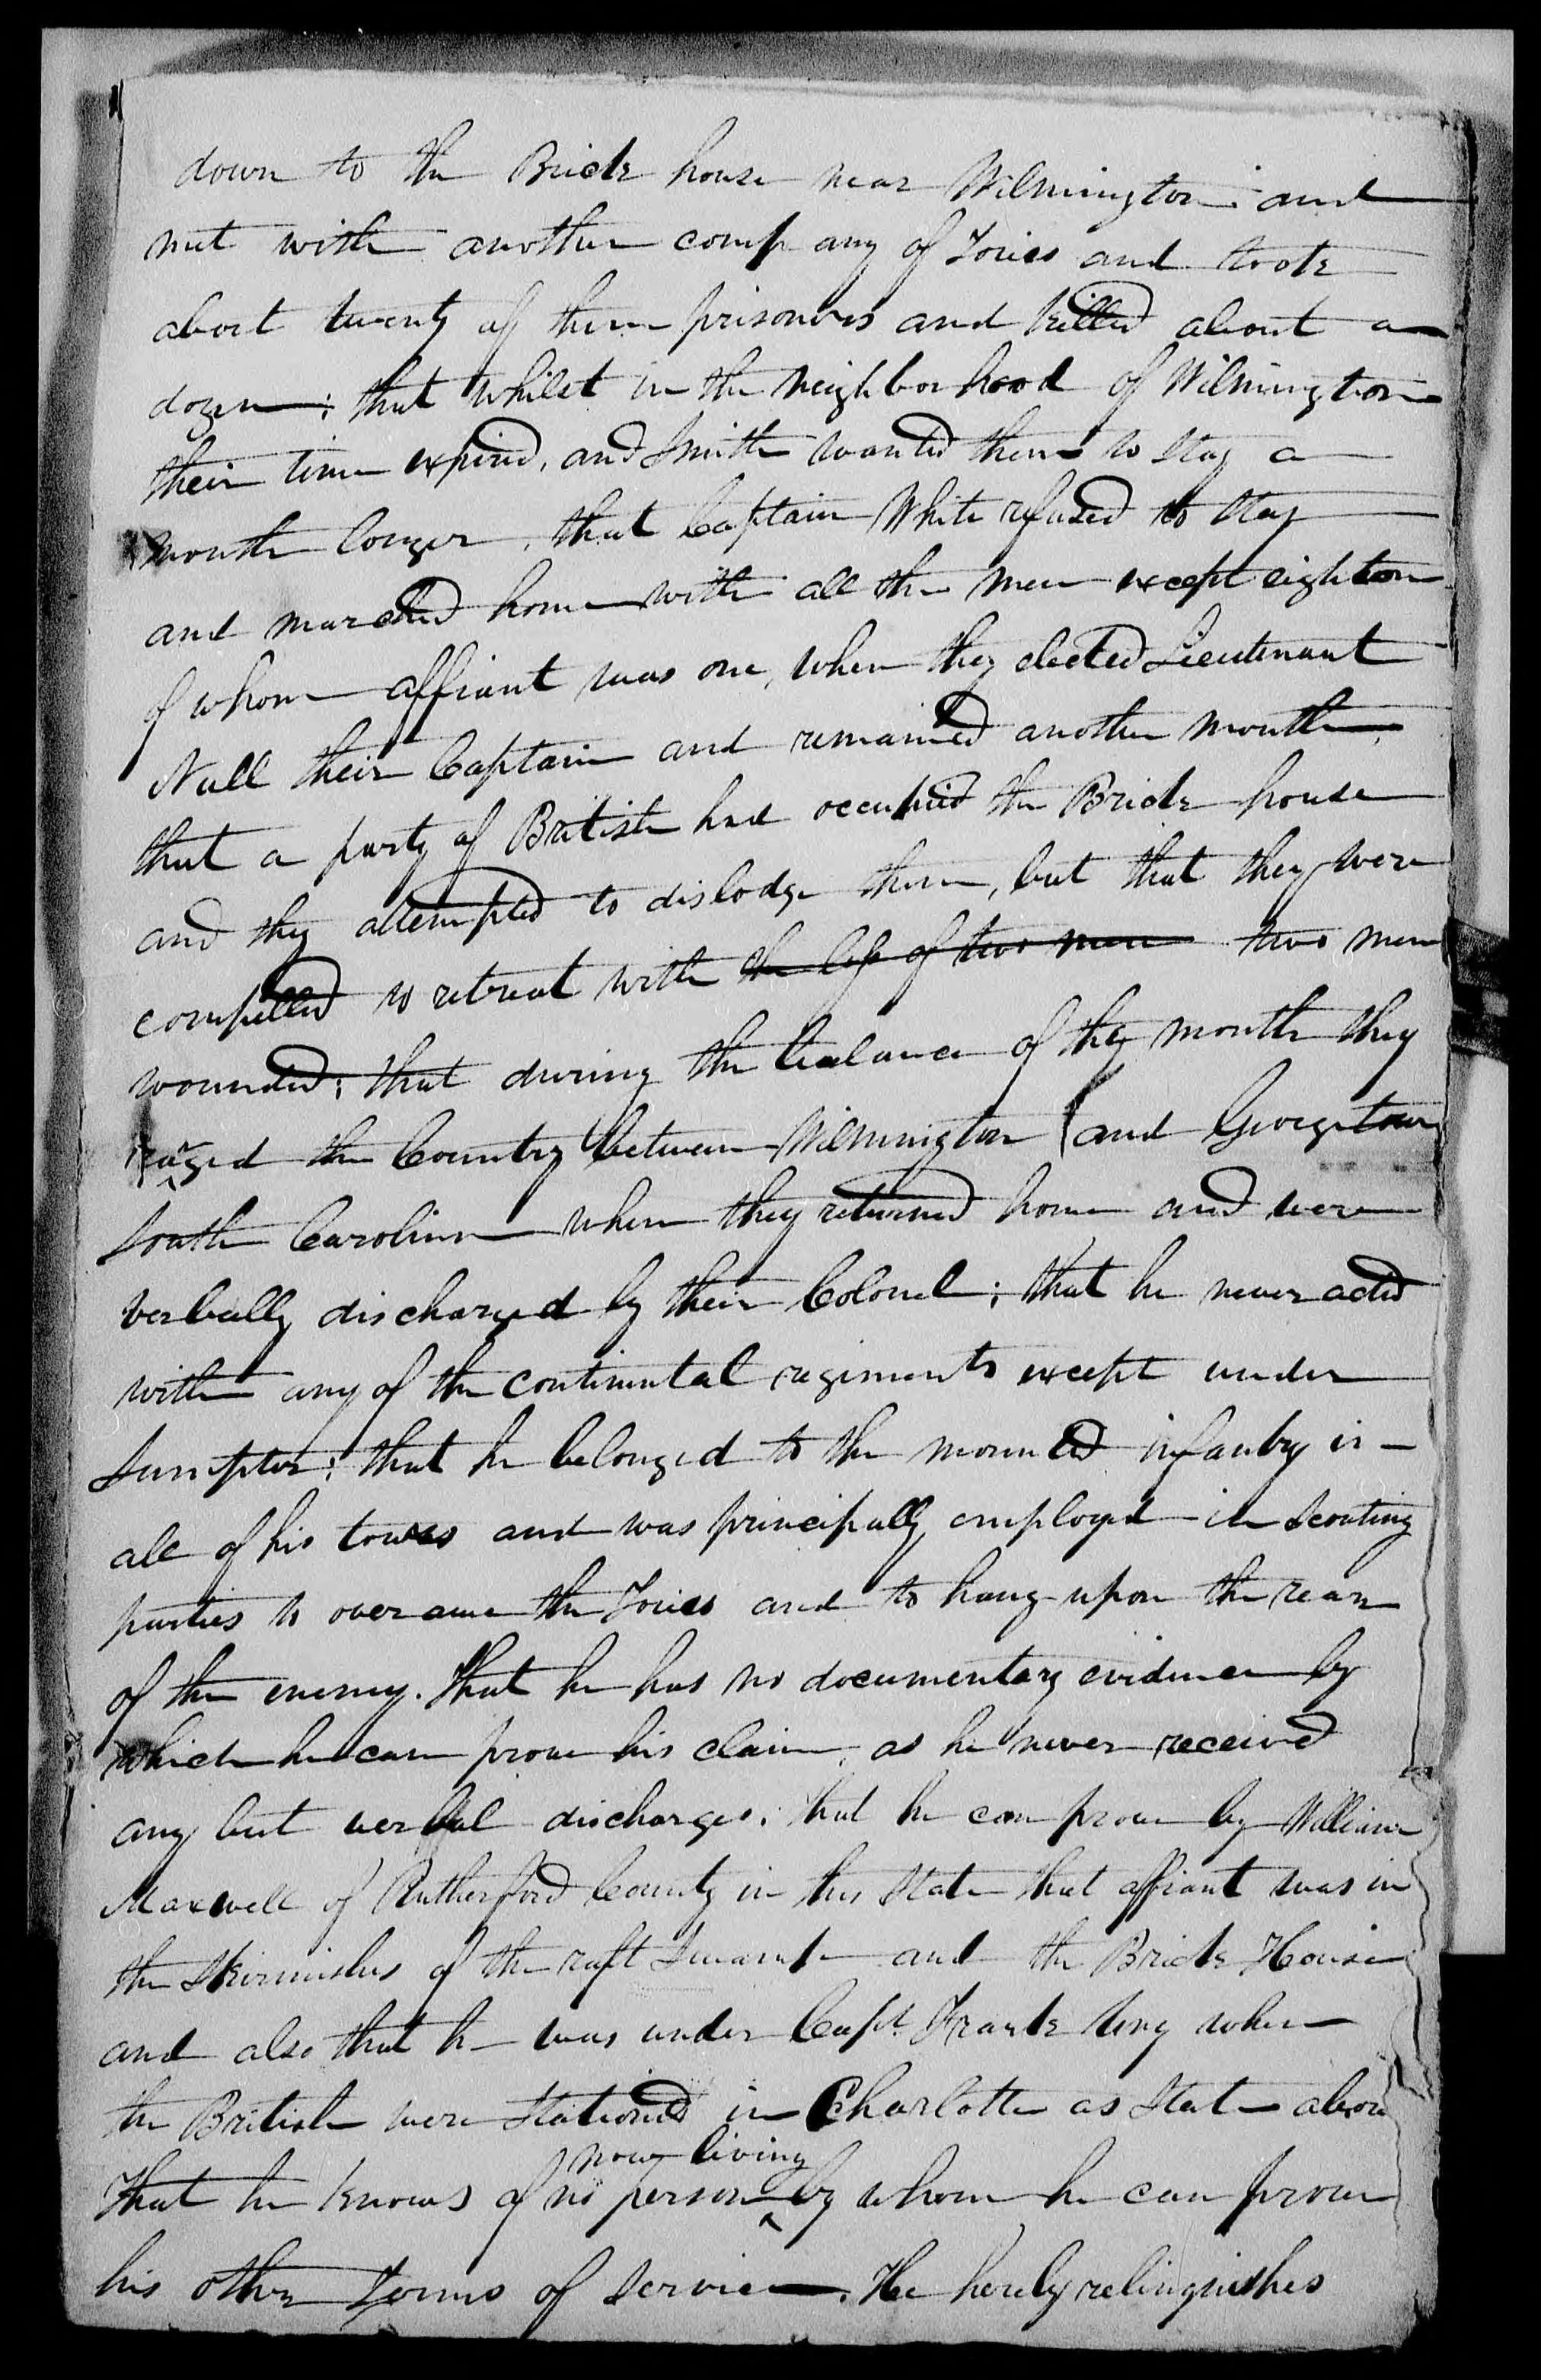down to the Brick house near Wilmington and met with another company of Tories and took about twenty of them prisoners and killed about a dozen; that whilst in the neighborhood of Wilmington their term expired and Smith wanted them to stay a month longer; that Captain White refused to stay and marched home with all the men except eighteen of whom affiant was one, when they elected Lieutenant Null their Captain and remained another month; that a party of British had occupied the Brick house and they attempted to dislodge them [November 15, 1781], but that they were compelled to retreat with the loss of two men two men wounded; that during the balance of the month they ranged the Country between Wilmington and Georgetown South Carolina when they returned home and were verbally discharged by their Colonel; that he never acted with any of the Continental regiments except under Sumter; that he belonged to the mounted infantry in all of his tours and was principally employed in Scouting parties to over awe the Tories and to hang upon the rear of the enemy; that he has no documentary evidence by which he can prove his claims as he never received any but verbal discharges, but he can prove by William Maxwell [R.7046] of Rutherford County in this State that affiant was in the skirmishes of the Raft Swamp and the Brick House and also that he was under Capt. Frank Long [?] when the British were stationed in Charlotte as stated above. That he knows of no person now living by whom he can prove his other tours of service. He hereby relinquishes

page: 14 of 67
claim: widow's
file: W. 21793, for George Mc Lain, North Carolina